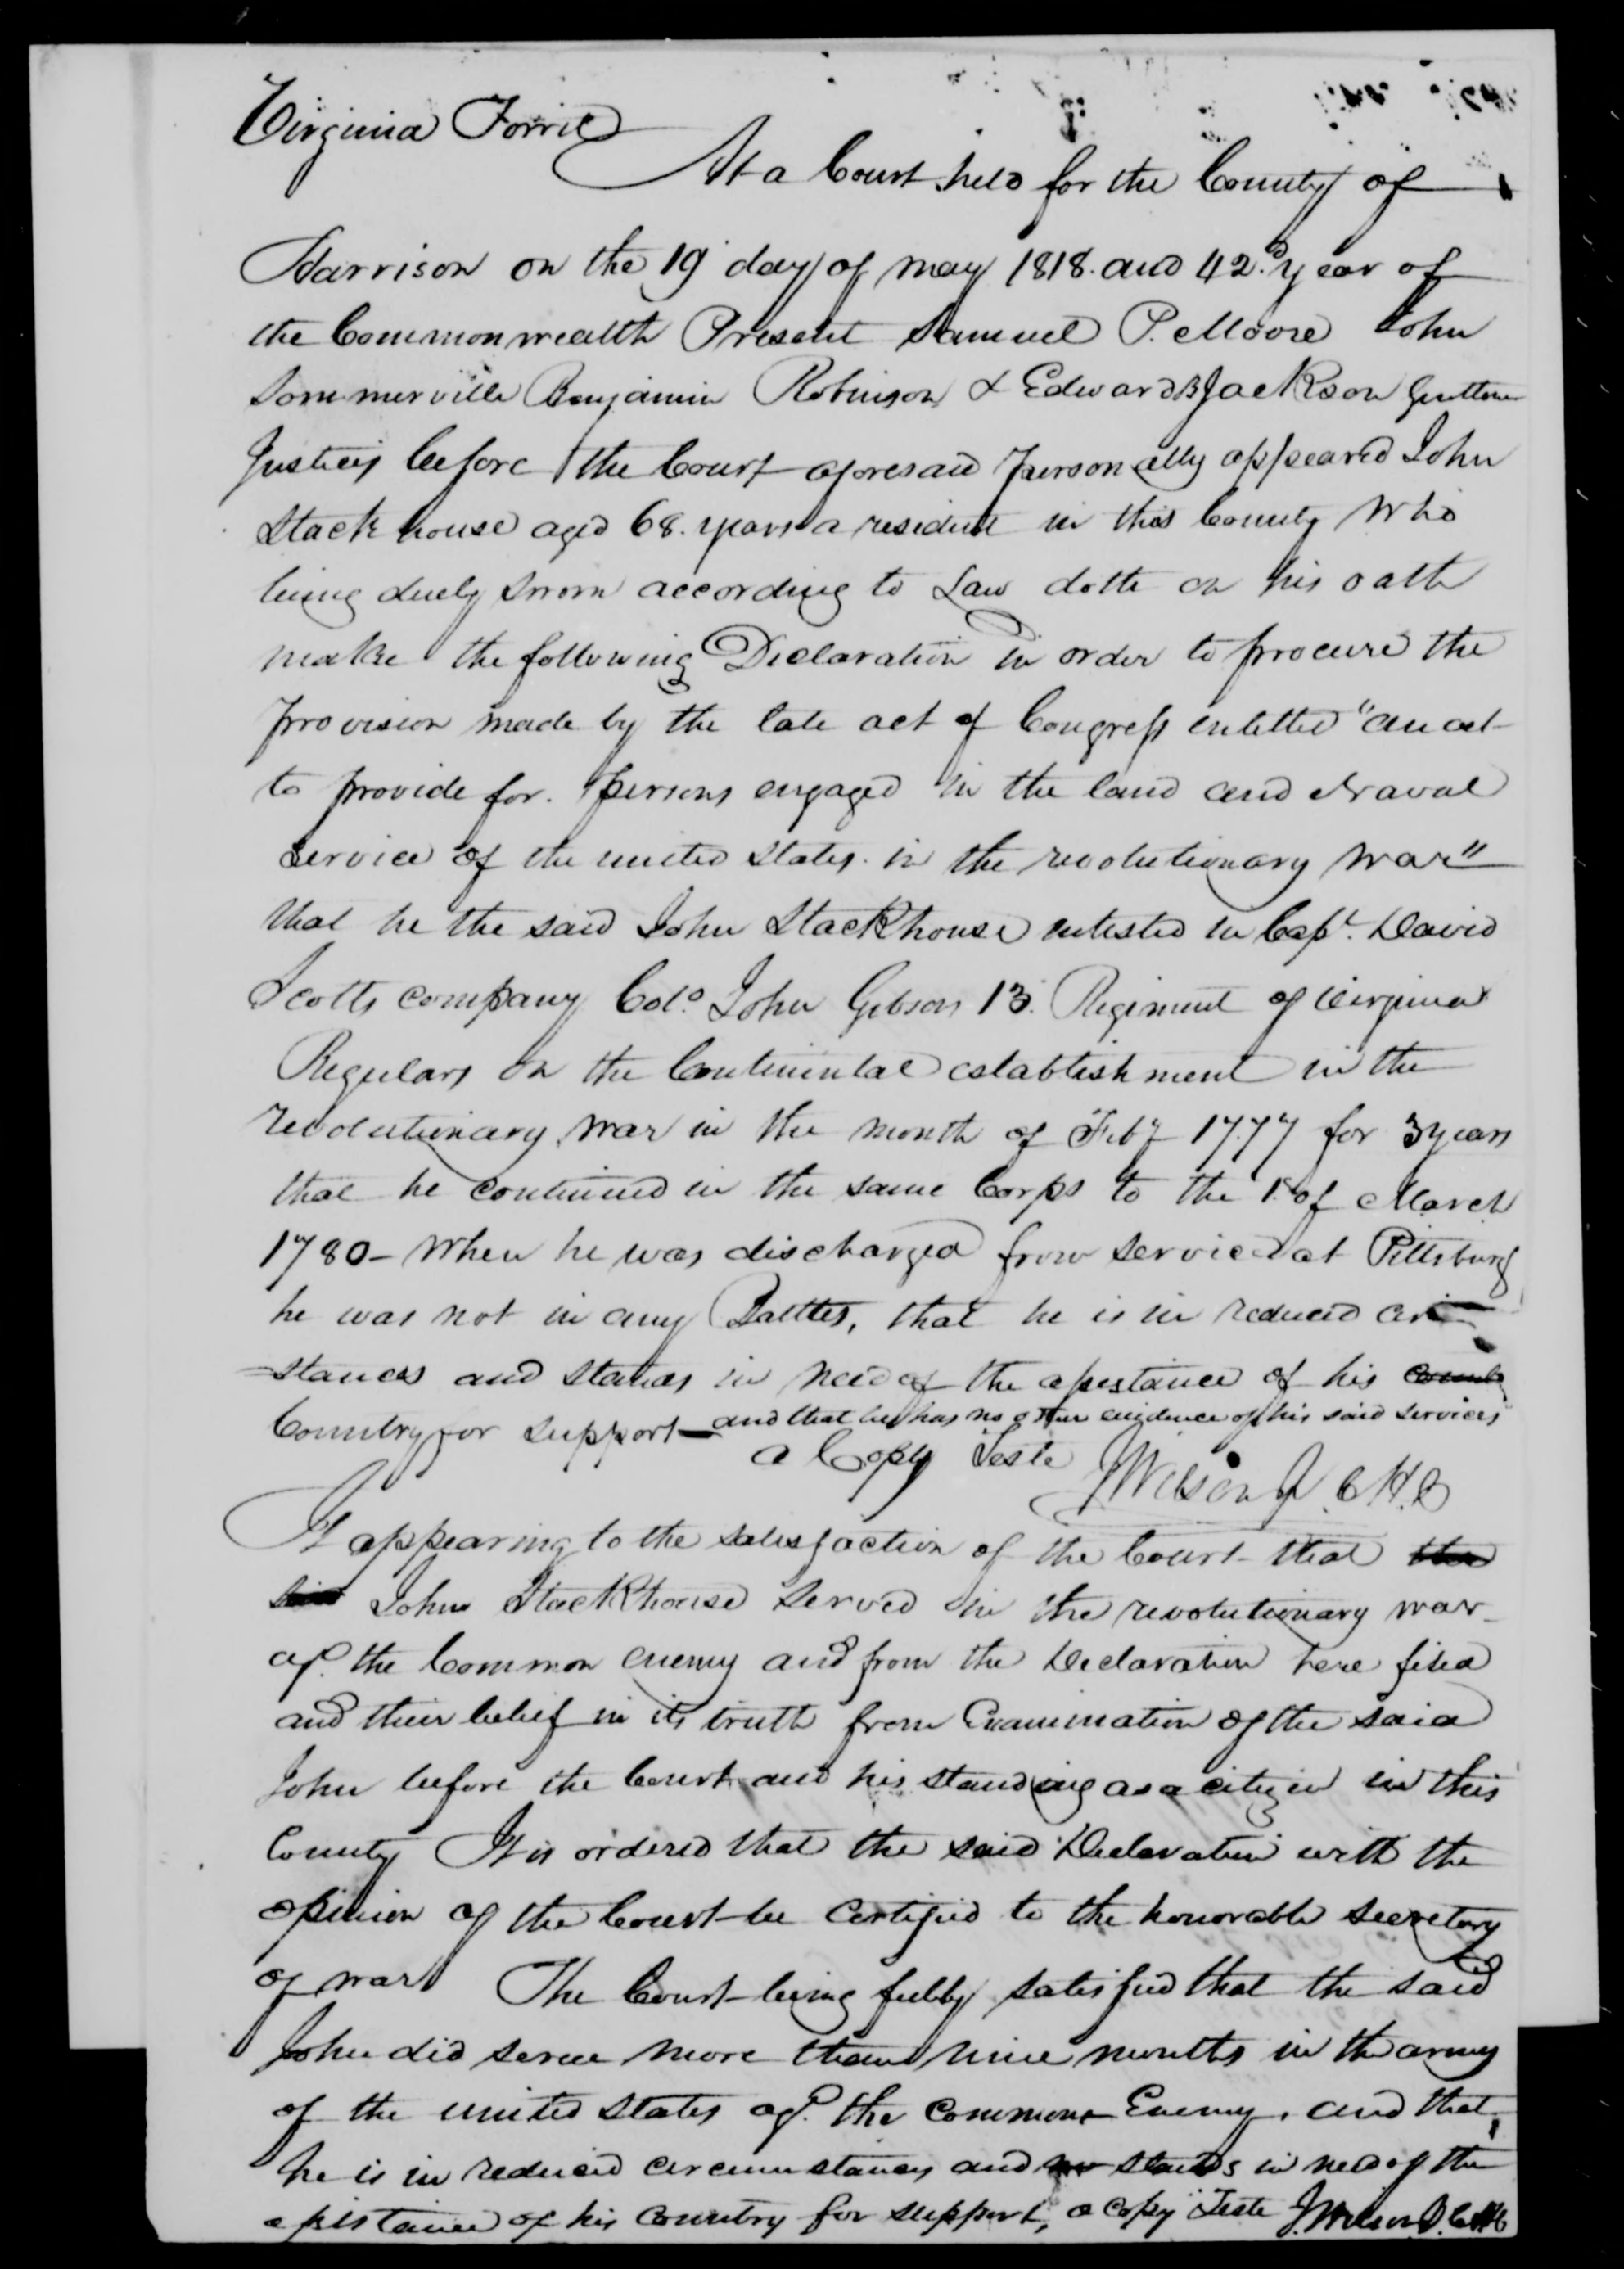Virginia Towit
At a Court held for the County of Harrison on the 19 day of May 1818 and 42d. year of the Commonwealth Present Samuel P. Moore John Sommerville Benjamin Robinson & Edward B Jackson Gentlemen Justices before the Court aforesaid personally appeared John Stackhouse aged 68 years a resident in this County who being duly sworn according to Law doth on his oath make the following Declaration in order to procure the provision made by the late Act of Congress entitled "an act to provide for persons engaged in the land and Naval service of the United States in the revolutionary war" that he the said John Stackhouse enlisted in Capt. David Scotts company Colo. John Gibson 13 Regiment of Virginia Regulars on the Continental establishment in the revolutionary war in the month of Feby 1777 for 3 years that he continued in the same Corps to the 1 of March 1780 - when he was discharged for service at Pittsburg he was not in any Battles, that he is in reduced circumstances and stands in need of the assistance of his Country for support - and that he has no other evidence of his said services
A Copy Teste Wilson J. C.H.C
It appearing to the satisfaction of the Court that John Stackhouse served in the revolutionary war agst. the common enemy and from the Declaration here filed and their belief in its truth from Examination of the said John before the Court and his standing as a citizen in this County It is ordered that the said Declaration with the opinion of the Court be Certified to the honorable secretary of war The Court being fully satisfied that the said John did serve more than nine months in the army of the United States agt. the Common Enemy, and that, he is in reduced circumstances and stands in need of the assistance of his Country for support, a Copy Teste J. Wilson D.Clk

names: Samuel P Moore; Benjamin Robinson; John Stackhouse; J Wilson; J Wilson; John [BLANK]; John Stackhouse; John Stackhouse; John Sommerville; John [BLANK]; Edward B Jackson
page: 4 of 19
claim: survivor's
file: S. 38,409, for John Stackhouse, Virginia